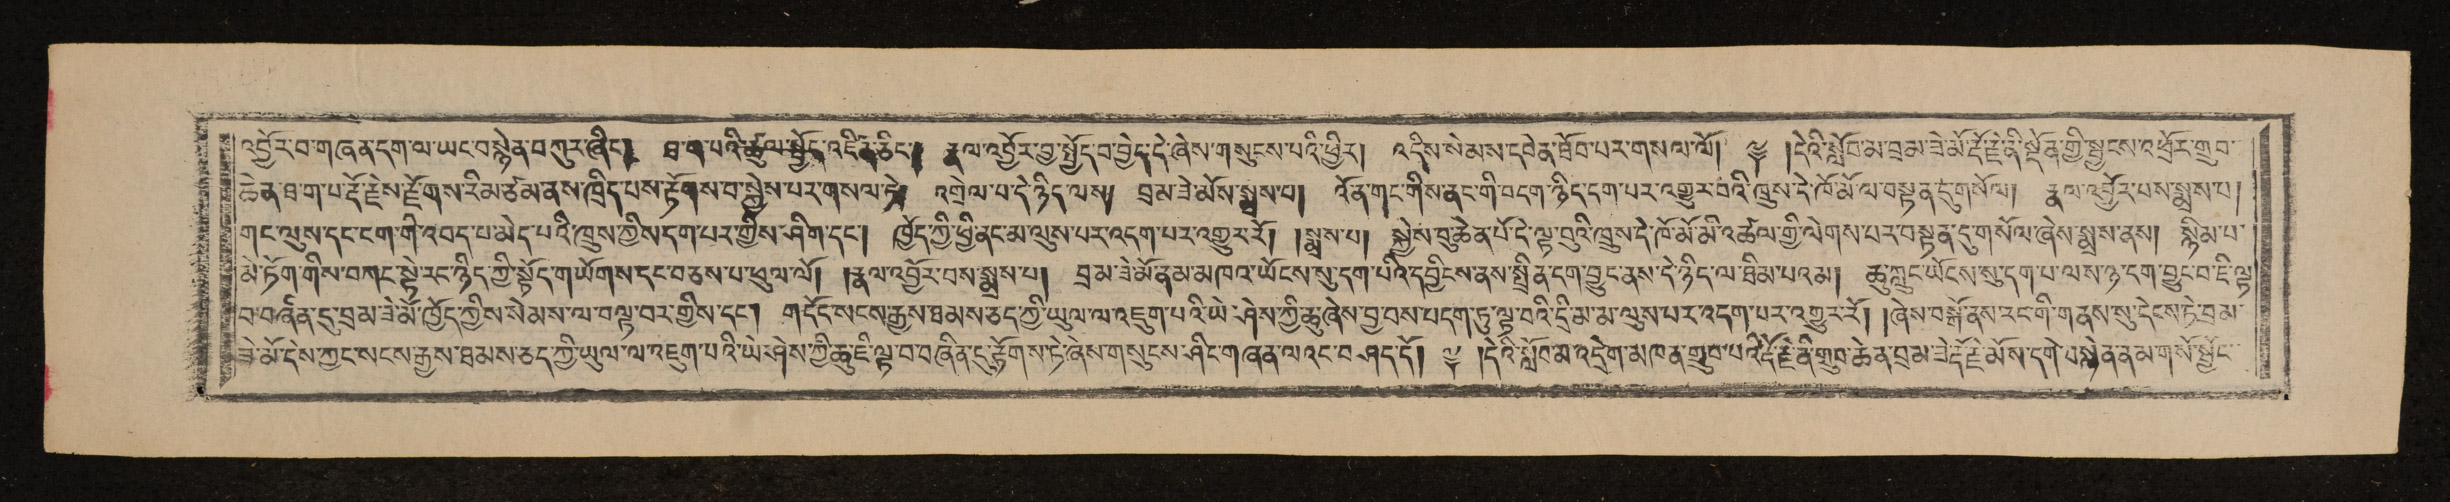འབྱོར་པ་གཞན་དག་ལ་ཡང་བསྙེན་བཀུར་ཞིང་། ཐ་ག་པའི་ཚུལ་སྤྱོད་འཛིན་ཅིང་། རྣལ་འབྱོར་གྱི་སྤྱོད་བ་བྱེད་དེ་ཞེས་གསུངས་པའི་ཕྱིར། འདིས་སེམས་དབེན་ཐོབ་པར་གསལ་ལོ། ༈ །དེའི་སློབ་མ་བྲམ་ཟེ་མོ་རྡོ་རྗེ་ནི་སྔོན་གྱི་སྦྱངས་འཕྲོར་གྲུབ་
ཆེན་ཐག་པ་རྡོ་རྗེས་རྫོགས་རིམ་ཙམ་ནས་ཀྲིད་བས་རྟོགས་པ་སྐྱེས་པར་གསལ་ཏེ། འགྲེལ་པ་དེ་ཉིད་ལས། བྲམ་ཟེ་མོས་སྨྲས་པ། འོ་ན་གང་གིས་ནང་གི་བདག་ཉིད་དག་པར་འགྱུར་བའི་ཁྲུས་དེ་ཁོ་ན་མོ་ལ་བསྟན་དུ་གསོལ། རྣལ་འབྱོར་བས་སྨྲས་པ།
གང་ལུས་དང་ངག་གི་འབད་པ་མེད་པའི་ཁྲུས་ཀྱིས་དག་པར་གྱིས་ཤིག་དང་། ཁྱོད་ཀྱི་ཕྱི་ནང་མ་ལུས་པར་འདག་པར་འགྱུར་རོ། །སྨྲས་པ། སྐྱེས་བུ་ཆེན་པོ་དེ་ལྟ་བུའི་ཁྲུས་དེ་ཁོ་མོ་མི་འཚལ་གྱི་ལེགས་པར་བསྟན་དུ་གསོལ་ཞེས་སྨྲས་ནས། སྙིམ་པ་
མེ་ཏོག་གིས་བཀང་སྟེ་རང་ཉིད་ཀྱི་སྟོད་གཡོགས་དང་བཅས་པ་ཕུལ་ལོ། །རྣལ་འབྱོར་པས་སྨྲས་པ། བྲམ་ཟེ་མོ་ནམ་མཁའ་ཡོངས་སུ་དག་པའི་དབྱིངས་ནས་སྤྲིན་དག་བྱུང་ནས་དེ་ཉིད་ལ་ཐིམ་པའམ། ཆུ་ཀླུང་ཡོངས་སུ་དག་པ་ལས་ཉ་དག་བྱུང་བ་ཇི་ལྟར་
བ་བཞིན་དུ་བྲམ་ཟེ་མོ་ཁྱོད་ཀྱིས་སེམས་ལ་བལྟ་བར་གྱིས་དང་། གདོད་སངས་རྒྱས་ཐམས་ཅད་ཀྱི་ཡུལ་ལ་འཇུག་པའི་ཡེ་ཤེས་ཀྱི་ཆུ་ཞེས་བྱ་བས་བདག་ཏུ་ལྟ་བའི་དྲི་མ་མ་ལུས་པར་འདག་བར་འགྱུར་རོ། །ཞེས་བསྒོ་ནས་རང་གི་གནས་སུ་དེངས་ཏེ་བྲམ་
ཟེ་མོ་དེས་ཀྱང་སངས་རྒྱས་ཐམས་ཅད་ཀྱི་ཡུལ་ལ་འཇུག་པའི་ཡེ་ཤེས་ཀྱི་ཆུ་ཇི་ལྟ་བ་བཞིན་དུ་རྟོགས་ཏེ་ཞེས་གསུངས་ཤིང་གཞན་ལའང་བཤད་དོ། ༈ །དེའི་སློབ་མ་འདྲེག་མཁན་གྲུབ་པའི་རྡོ་རྗེ་ནི་གྲུབ་ཆེན་བྲམ་ཟེ་རྡོ་རྗེ་མོས་དགེ་བསྙེན་ནམ་གསོ་སྦྱོང་